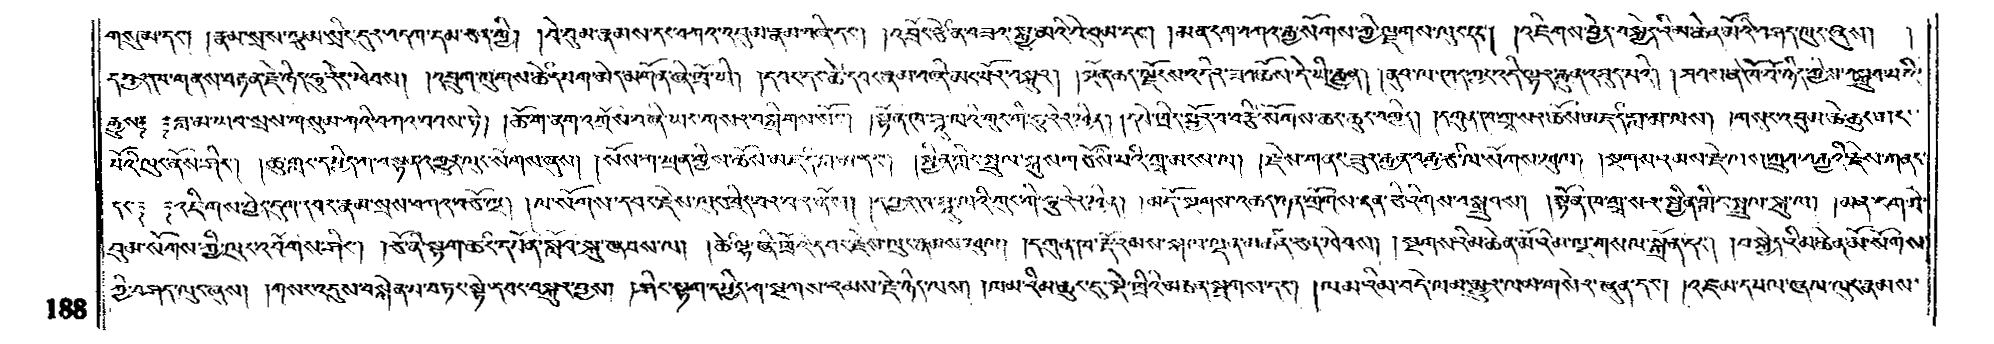གསུམ་དང་། །རྣམ་སྲས་ལྕམ་སྲིད་དུར་བདག་དམ་ཅན་གྱི། །བེ་བུམ་རྣམས་དང་བཀའ་འབུམ་རྣམ་བཞི་དང་། །འབྲོང་རྩེ་ན་བཟའ་སྒྱུ་མའི་བེ་བུམ་དང་། །མན་ངག་བཀའ་རྒྱ་སོགས་ཀྱི་ལྗགས་ལུང་དང་། །འཇིགས་བྱེད་བསྐྱེད་རིམ་ཆེན་མོའི་བཤད་ལུང་ཞུས། །
དབྱར་ཁ་གནས་བརྟན་རྗེ་ཉིད་ཧུ་རེར་ཕེབས། །འབྲུག་ལུགས་ཚེ་དཔག་མེད་མགོན་ཞི་ཁྲོ་ཡི། །དབང་དང་ཚེ་དབང་རྣམ་བཞི་མང་བོར་བསྐུར། །སྔོན་ཆད་ལྗོངས་འདིར་ཟབ་ཆོས་དེ་ཡི་རྒྱུན། །ནུབ་ལ་ཁད་ཀྱང་འདི་ལྟར་རྒྱུན་འཐུད་པའི། །ཐབས་ནི་ཁོ་བོ་ཉིད་ཀྱིས་བསྒྲུབ་པའི་
རྒྱུས༑ ༑བླ་མ་ཡབ་སྲས་གསུམ་ཀའི་བཀའ་བབས་ཏེ། །ཆོ་ག་ནག་འགྲོས་བཞི་ཡང་གསར་བསྒྲིགས་སོང་། །སྟོན་ཁ་ཐཱུ་ལའི་གུང་གི་ཧུ་རེར་ཕྱིན། །དཔེ་ཁྲིད་སྤྱོར་བ་བརྩི་སོགས་ཆང་ཆུང་བགྱིད། །དགུན་ཁ་གྲྭ་སར་ཆོས་མཛད་བླ་མ་ལས། །གསུང་འབུམ་ཆེ་ཆུང་མང་
པོའི་ལུང་ནོས་ཤིང་། །ཆུ་གླང་དཔྱིད་ཀ་བསྟན་འགྱུར་ལུང་སོགས་ཞུས། །སོས་ཀ་ཕྲན་གྱིས་ཆོས་མཛད་བླ་མ་དང་། །སྦྱིན་གླིང་སྤྲུལ་སྐུས་གཙོས་པའི་གྲྭ་མངས་ལ། །རྗེས་གནང་ཟུར་རྒྱན་བརྒྱ་རྩ་ལ་སོགས་ཕུལ། །སྔགས་རམས་རྗེ་ལས་གྲུབ་བརྒྱའི་རྗེས་གནང་
དང༑ ༑འཇིགས་བྱེད་དུག་དབང་རྣམ་སྲས་བཀའ་བཅོ་ལྔ། །ལ་སོགས་དབང་རྗེས་ལུང་ཁྲིད་པར་བར་ནོས། །དབྱར་ཁ་ཐཱུ་ལའི་གུང་གི་ཧུ་རེར་ཕྱིན། །མདོ་སྔགས་འཆད་ཉན་གྲོགས་དན་ཅི་རིགས་བསྒྲུབས། །སྟོན་ཁ་གྲྭ་སར་སྦྱིན་གླིང་སྤྲུལ་སྐུ་ལ། །མན་ངག་བེ་
བུམ་སོགས་ཀྱི་ལུང་འབོགས་ཤིང་། །ཅོ་ནི་སྟག་ཚང་དཔོན་སློབ་སྐུ་ཞབས་ལ། །ཚེ་ལྷ་ཞི་ཁྲོའི་དབང་རྗེས་ལུང་རྣམས་ཕུལ། །དགུན་ཁ་རྡོ་རམས་སྐལ་ལྡན་མཚན་ཅན་ཕེབས། །སྔགས་རིམ་ཆེན་མོ་རིམ་ལྔ་གསལ་སྒྲོན་དང་། །བསྐྱེད་རིམ་ཆེན་མོ་སོགས་
ཀྱི་བཤད་ལུང་ཞུས། །གསང་འདུས་བསྙེན་པ་བཏང་སྟེ་དབང་བསྐུར་བྱས། །ཤིང་སྟག་དཔྱིད་ཀ་སྔགས་རམས་རྗེ་ཉིད་ལས། །ཁམ་རིམ་ཆུང་དུ་སྡེ་ཁྲིའི་མཆན་སྦྲགས་དང་། །ལམ་རིམ་བདེ་ལམ་མྱུར་ལམ་གསེར་ཞུན་དང་། །འཇམ་དཔལ་ཞལ་ལུང་རྣམས་